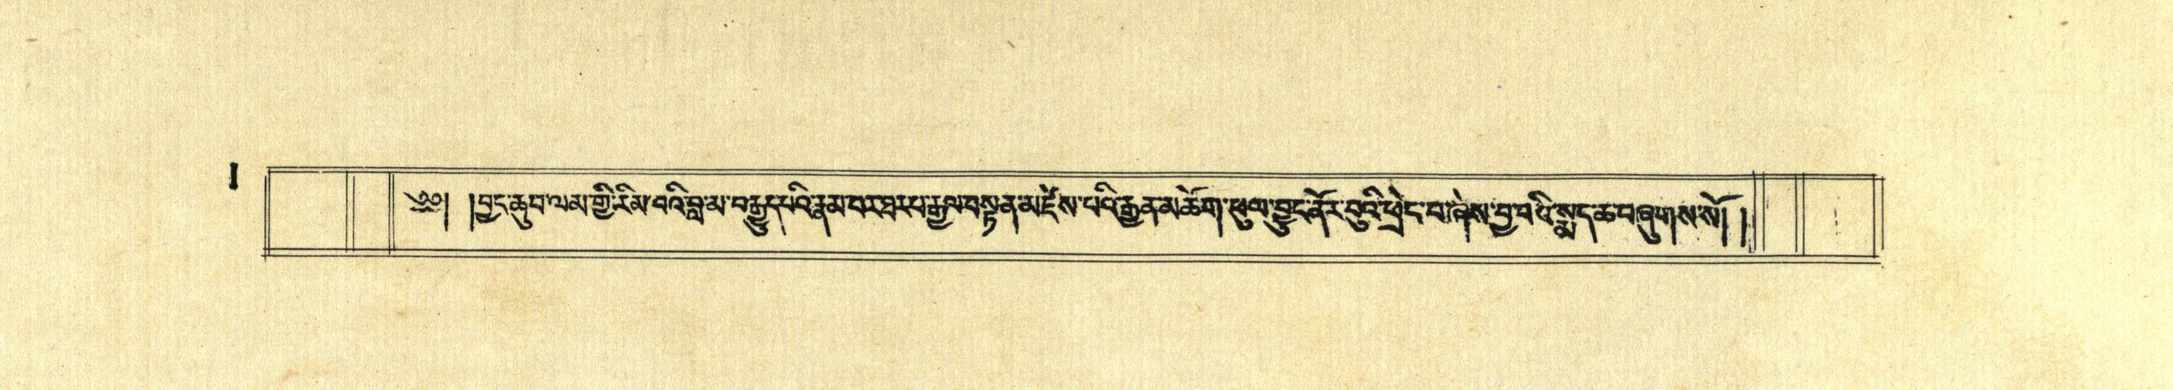༄༅། །བྱང་ཆུབ་ལམ་གྱི་རིམ་བའི་བླ་མ་བརྒྱུད་པའི་རྣམ་བར་ཐར་པ་རྒྱལ་བསྟན་མཛེས་པའི་རྒྱན་མཆོག་ཕུལ་བྱུང་ནོར་བུའི་ཕྲེང་བ་ཞེས་བྱ་བའི་སྨད་ཆ་བཞུགས་སོ། །